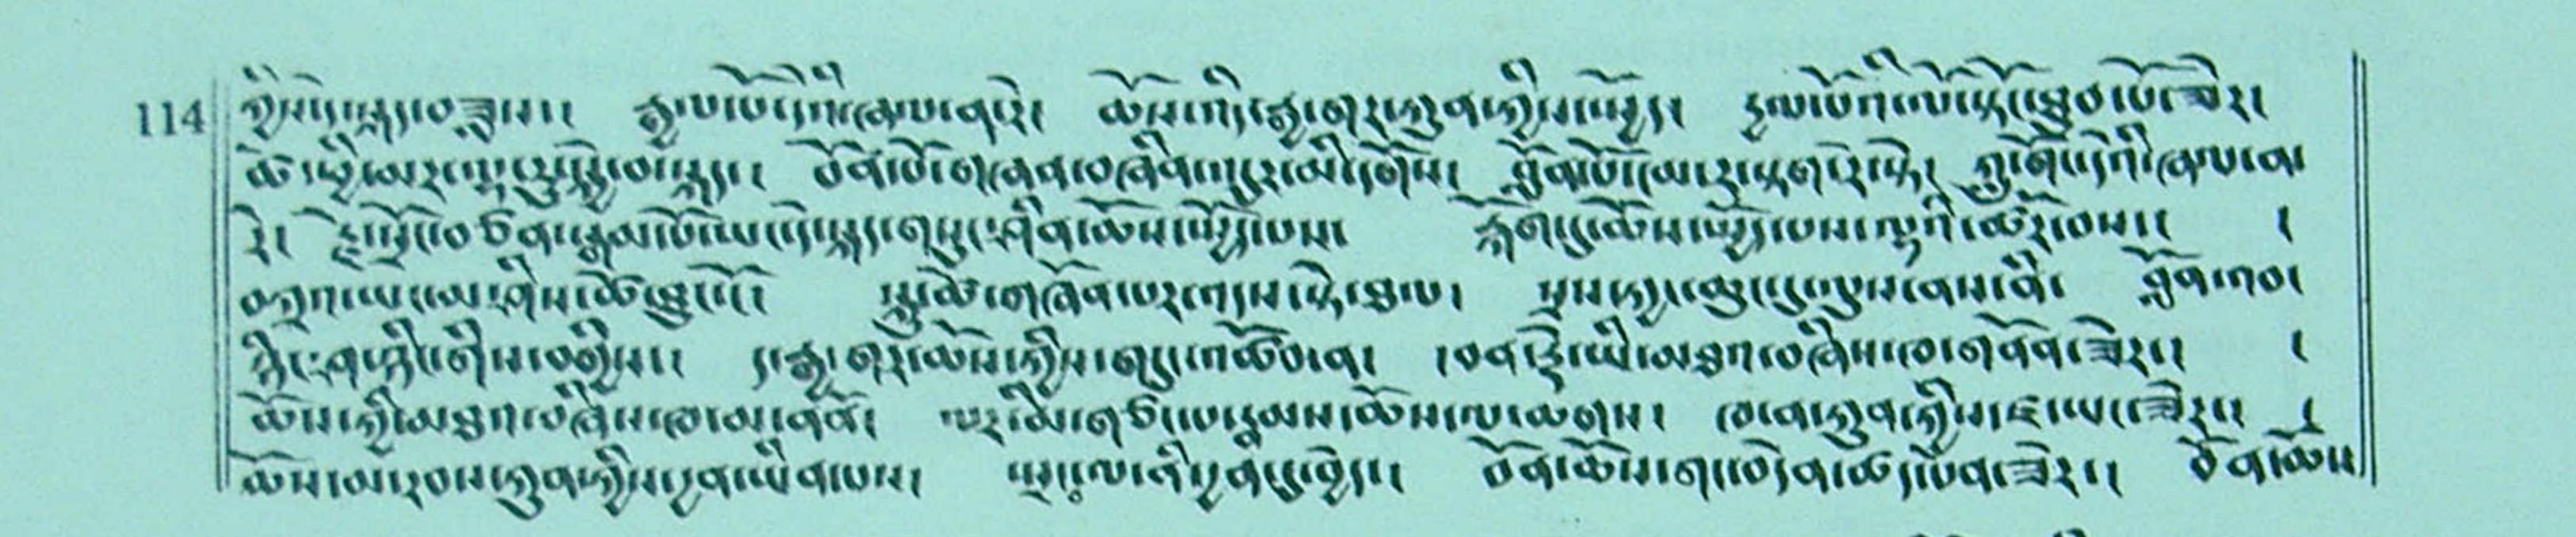ཀྱིས་དེ་སྐད་བཟླས། རྒྱལ་བོ་དེའི་ཞལ་ན་རེ། ཆོས་འདི་རྒྱ་གར་ཀུན་ཀྱིས་སྤྱོད། རྒྱལ་པོའི་ལོ་སྟོང་ཐུབ་པོ་ཟེར། 
ཚེ་ཕྱི་མ་ལྷ་རུ་སྐྱེ་བ་སྐད། བོན་པོ་གཞན་བཞིན་འདུར་མི་དགོས། བློན་པོ་ངམ་ར་སྟག་རེ་སྟེ། ཀླུ་གོང་དེའི་ཞལ་ན་
རེ། རྗེ་སྲོང་བཙན་སྒམ་པོ་ཡང་དེ་སྐད་གསུང་བཞིན་ཆོས་སྤྱོད་པས། ལྐོག་ཏུ་ཆོས་སྤྱོད་པས་ལྷ་ཡིས་ཚོར་བས། 
བཀྲ་ཡང་མི་ཤིས་ཚེ་ཐུང་ངོ་། །སྐུ་ཚེ་གཞོན་པར་འདས་ཏེ་ཐལ། སྲས་ཀྱང་ཆུང་ངུ་ལུས་ནས་ནི། བློན་འབངས་
ཉིང་ཤ་ཉིང་གིས་བགྱིས། ད་རྒྱ་གར་ཆོས་ཀྱི་གདུང་འཚོབ་ནས། བན་དྷེ་ཡི་མཐའ་བཞིས་ཁ་གནོན་ཟེར། 
ཆོས་ཀྱི་མཐའ་བཞི་ཁ་མ་ནོན། ལར་མི་གཙང་བ་རྣམས་ཆོས་ལ་ཆགས། ཁ་ནས་ཀུན་ཀྱིས་ཛ་ཡང་ཟེར། 
ཆོས་མ་རབས་ཀུན་ཀྱི་རྒྱན་ཡིན་པས། སྤྲ་བ་ལ་ནི་རྒྱན་ཏུ་བྱེད། བོན་ཆོས་གང་བདེན་ཚད་པན་ཟེར། བོན་ཆོས་